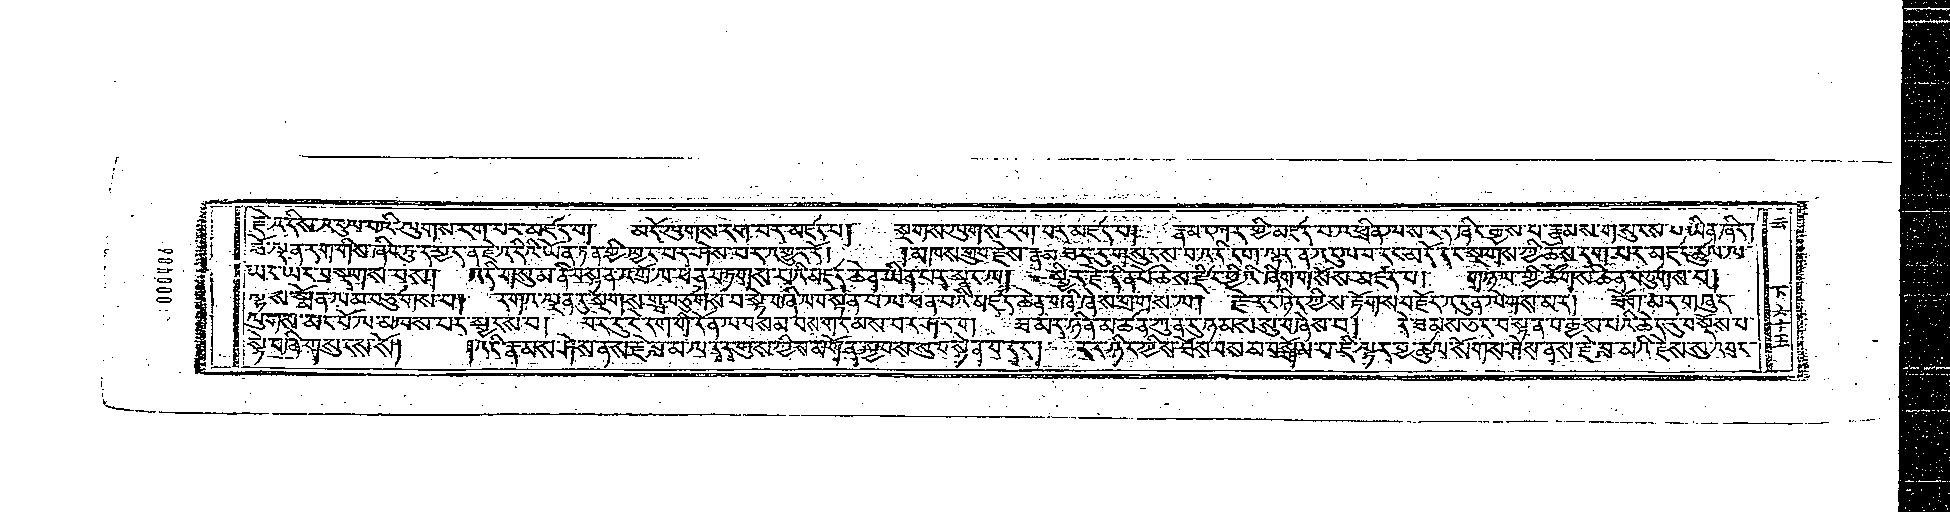རྗེ་འདིས་འདུལ་བའི་ལུགས་ངག་པར་མཛད་པ། མདོ་ལུགས་དག་པར་མཛད་པ། སྔགས་ལུགས་ངག་པར་མཛད་པ། རྣམ་དཀར་གྱི་མཛད་པ་འཕྲིན་ལས་དར་ཞིང་རྒྱས་པ་རྣམས་གསུངས་པ་ཡིན་ཞིང་།
བློ་ལྡན་དག་གིས་ཞིབ་ཏུ་དཔྱད་ན་རྗེ་འདིའི་ཡོན་ཏན་གྱི་ཁྱད་པར་ཤེས་པར་འགྱུར་རོ། །མཁས་གྲུབ་རྗེས་རྣམ་ཐར་དུ་གསུངས་བ་འདི་དག་ལྟར་ན་འདུལ་བ་དང་མདོ་དང་སྔགས་ཀྱི་ཆོས་དག་པར་མཛད་ཚུལ་ལ་
ཡང་ཡང་བ་སྔགས་པས། འདི་གསུམ་ནི་བསྟན་འགྲོ་ལ་ཕན་བཏགས་པའི་མཛད་ཆེན་ཡིན་པར་སྣང་ལ། སྤྱིར་རྗེ་རིན་པོ་ཆེས་རྫིང་ཕྱིའི་ཞིག་གསོས་མཛད་པ། གཉལ་གྱི་ཚོགས་ཆེན་བཙུགས་པ།
ལྷས་སྨོན་ལམ་བཙུགས་པ། དགའ་ལྡན་དུ་སྔགས་གྲྭ་བཙུགས་པ་སྟེ་བཞི་ལ་བསྟན་པ་ལ་ཕན་པའི་མཛད་ཆེན་བཞི་ཞེས་གྲགས་ལ། རྗེ་རང་ཉིད་ཀྱིས་རྟོགས་བརྗོད་འདུན་ལེགས་མར། ཐོག་མར་གཞུང་
ལུགས་མང་པོ་ལ་མཁས་པར་སྦྱངས་བ། བར་དུ་དེ་དག་གི་དོན་ལ་བསམ་པས་གདམས་བར་ཤར་བ། ཐ་མར་ཉིན་མཚན་ཀུན་དུ་ཉམས་སུ་བཞེས་པ། དེ་ཐམས་ཅད་བསྟན་པ་རྒྱས་པའི་ཆེད་དུ་བསྡོས་པ་
སྟེ་བཞི་གསུངས་སོ། །འདི་རྣམས་ཤེས་ནས་རྗེ་བླ་མ་ལ་དད་གུས་ཀྱིས་མགོན་སྐྱབས་སུ་བསྟེན་པ་དང་། རང་ཉིད་ཀྱིས་ཐོས་བསམ་བསྒོམ་པ་ཇི་ལྟར་བྱ་ཚུལ་སོགས་ཤེས་ནས་རྗེ་བླ་མའི་རྗེས་སུ་འབྲང་